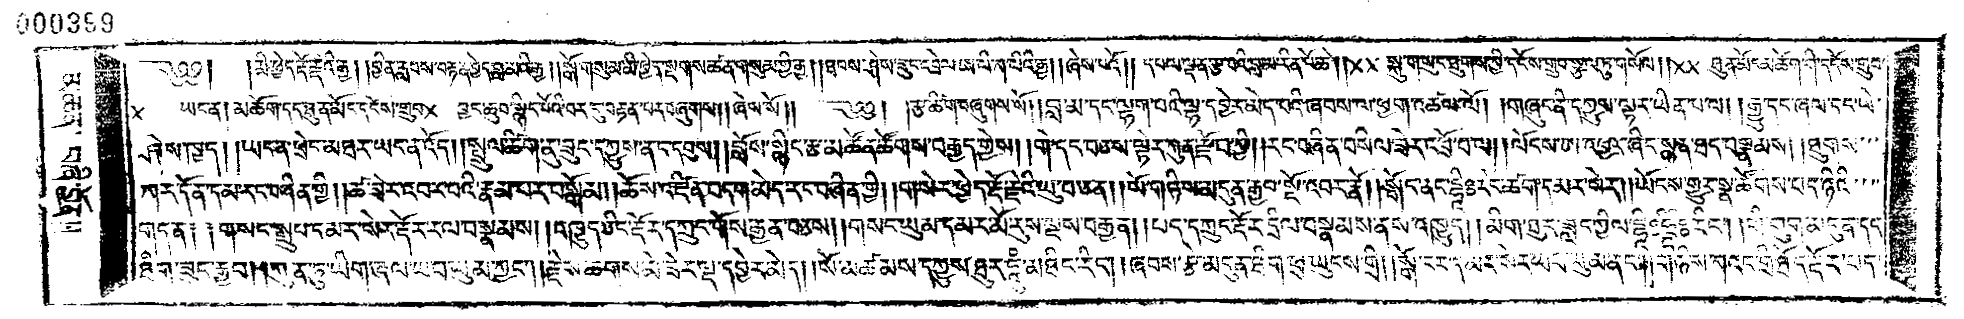༄༅། །མི་ཕྱེད་རྡོ་རྗེའི་རྒྱ། །བྱིན་རླབས་བརྟན་བྱེད་བླ་མའི་རྒྱ། །སྒོ་གསུམ་མི་ཕྱེད་སྔགས་ཚན་གསུམ་གྱི་རྒྱ། །ཐབས་ཤེས་ཟུང་འབྲེལ་ཨ་ལི་ཀ་ལིའི་རྒྱ། །ཞེས་པའོ། །དཔལ་ལྡན་རྩ་བའི་བླ་མ་རིན་པོ་ཆེ། །྾྾་སྐུ་གསུང་ཐུགས་ཀྱི་དངོས་གྲུབ་སྩལ་དུ་གསོལ། །྾྾་ཐུན་མོང་མཆོག་གི་དངོས་གྲུབ་
྾་ཡང་ན། མཆོག་དང་ཐུན་མོང་དངོས་གྲུབ་྾་བྱང་ཆུབ་སྙིང་པོའི་བར་དུ་བརྟན་པར་བཞུགས། །ཞེས་སོ།། ༄༅། །རྩ་ཚིག་བཞུགས་སོ། །བླ་མ་དང་ལྷག་པའི་ལྷ་དབྱེར་མེད་པའི་ཞབས་ལ་ཕྱག་འཚལ་ལོ། །གཞུང་ནི་དཀྱུས་ལྟར་ཡིན་པ་ལ། །རྒྱུ་དང་ཞལ་དང་ཡེ་
ཤེས་ཁྱད། །ཡང་ན་ཕྲེང་མཐར་ཡང་ན་འོད། །སྤྲུལ་ཚིག་ནུ་ཟུང་དཀྱུས་ནང་དབུས། །བློས་སྙིང་རྩ་མཚོན་ཚོགས་བརྒྱད་གྱེས། །གེ་དང་བཅས་ལྟེར་ཀུན་རྫོབ་ཀྱི། །རང་བཞིན་བསིལ་ཟེར་འཕྲོ་བ་ལ། །ལོངས་ཨ་འཕྱར་ཞིང་སྙན་ཐད་བསྣམས། །ཐུགས་
ཀར་དོན་དམ་རང་བཞིན་གྱི། །ཚ་ཟེར་འབར་བའི་རྣམ་པར་བསྒོམ། །ཆོས་འཛིན་བདག་མེད་རང་བཞིན་གྱི། །གསེར་ཕྱེད་རྡོ་རྗེའི་ཡུ་བ་ཅན། །སོ་གཉིས་མདུན་རྒྱབ་སྔོ་འབར་རྣོ། །སྒོང་ནང་དྷཱིཿ རིང་ཚག་དམར་སེར། །ཡོངས་གྱུར་སྣ་ཚོགས་པད་ཉིའི་
གདན༑ ༑གསང་སྒྲུབ་དམར་སེར་རྡོར་རལ་བསྣམས། །འཁྱུད་ཅིང་རྡོར་དཀྲུང་གོས་རྒྱན་བཅས། །གསང་ཡུམ་དམར་མོ་རུས་ལྔས་བརྒྱན། །པད་དཀྲུང་རྡོར་དྲིལ་བསྣམས་ནས་འཁྱུད། །མིག་ཐུར་ཟླ་དཀྱིལ་དྷཱིཿ ཧྲཱིཾཿ རིང་། །གི་གུག་མདུན་དང་
ཐིག་ཟུང་རྒྱབ། །ཀུན་ཏུ་ཡིག་ཞལ་ཡབ་ཡུམ་ཀྱང་། །རྗེས་ཆགས་མེ་ཟེར་ལྔ་དབྱེར་མེད། །སོ་མཚམས་དཀྱུས་ཐུར་ཧཱུཾ་མཐིང་རིང་། །ཞབས་རྩེ་མདུན་ཐིག་ཕྲ་ཡུངས་གྲི། །སྒོ་ངར་དམར་སེར་ཡབ་ཡུམ་ནང་། །གཉིས་ཀའང་གྲི་ཐོད་རྡོར་པད་